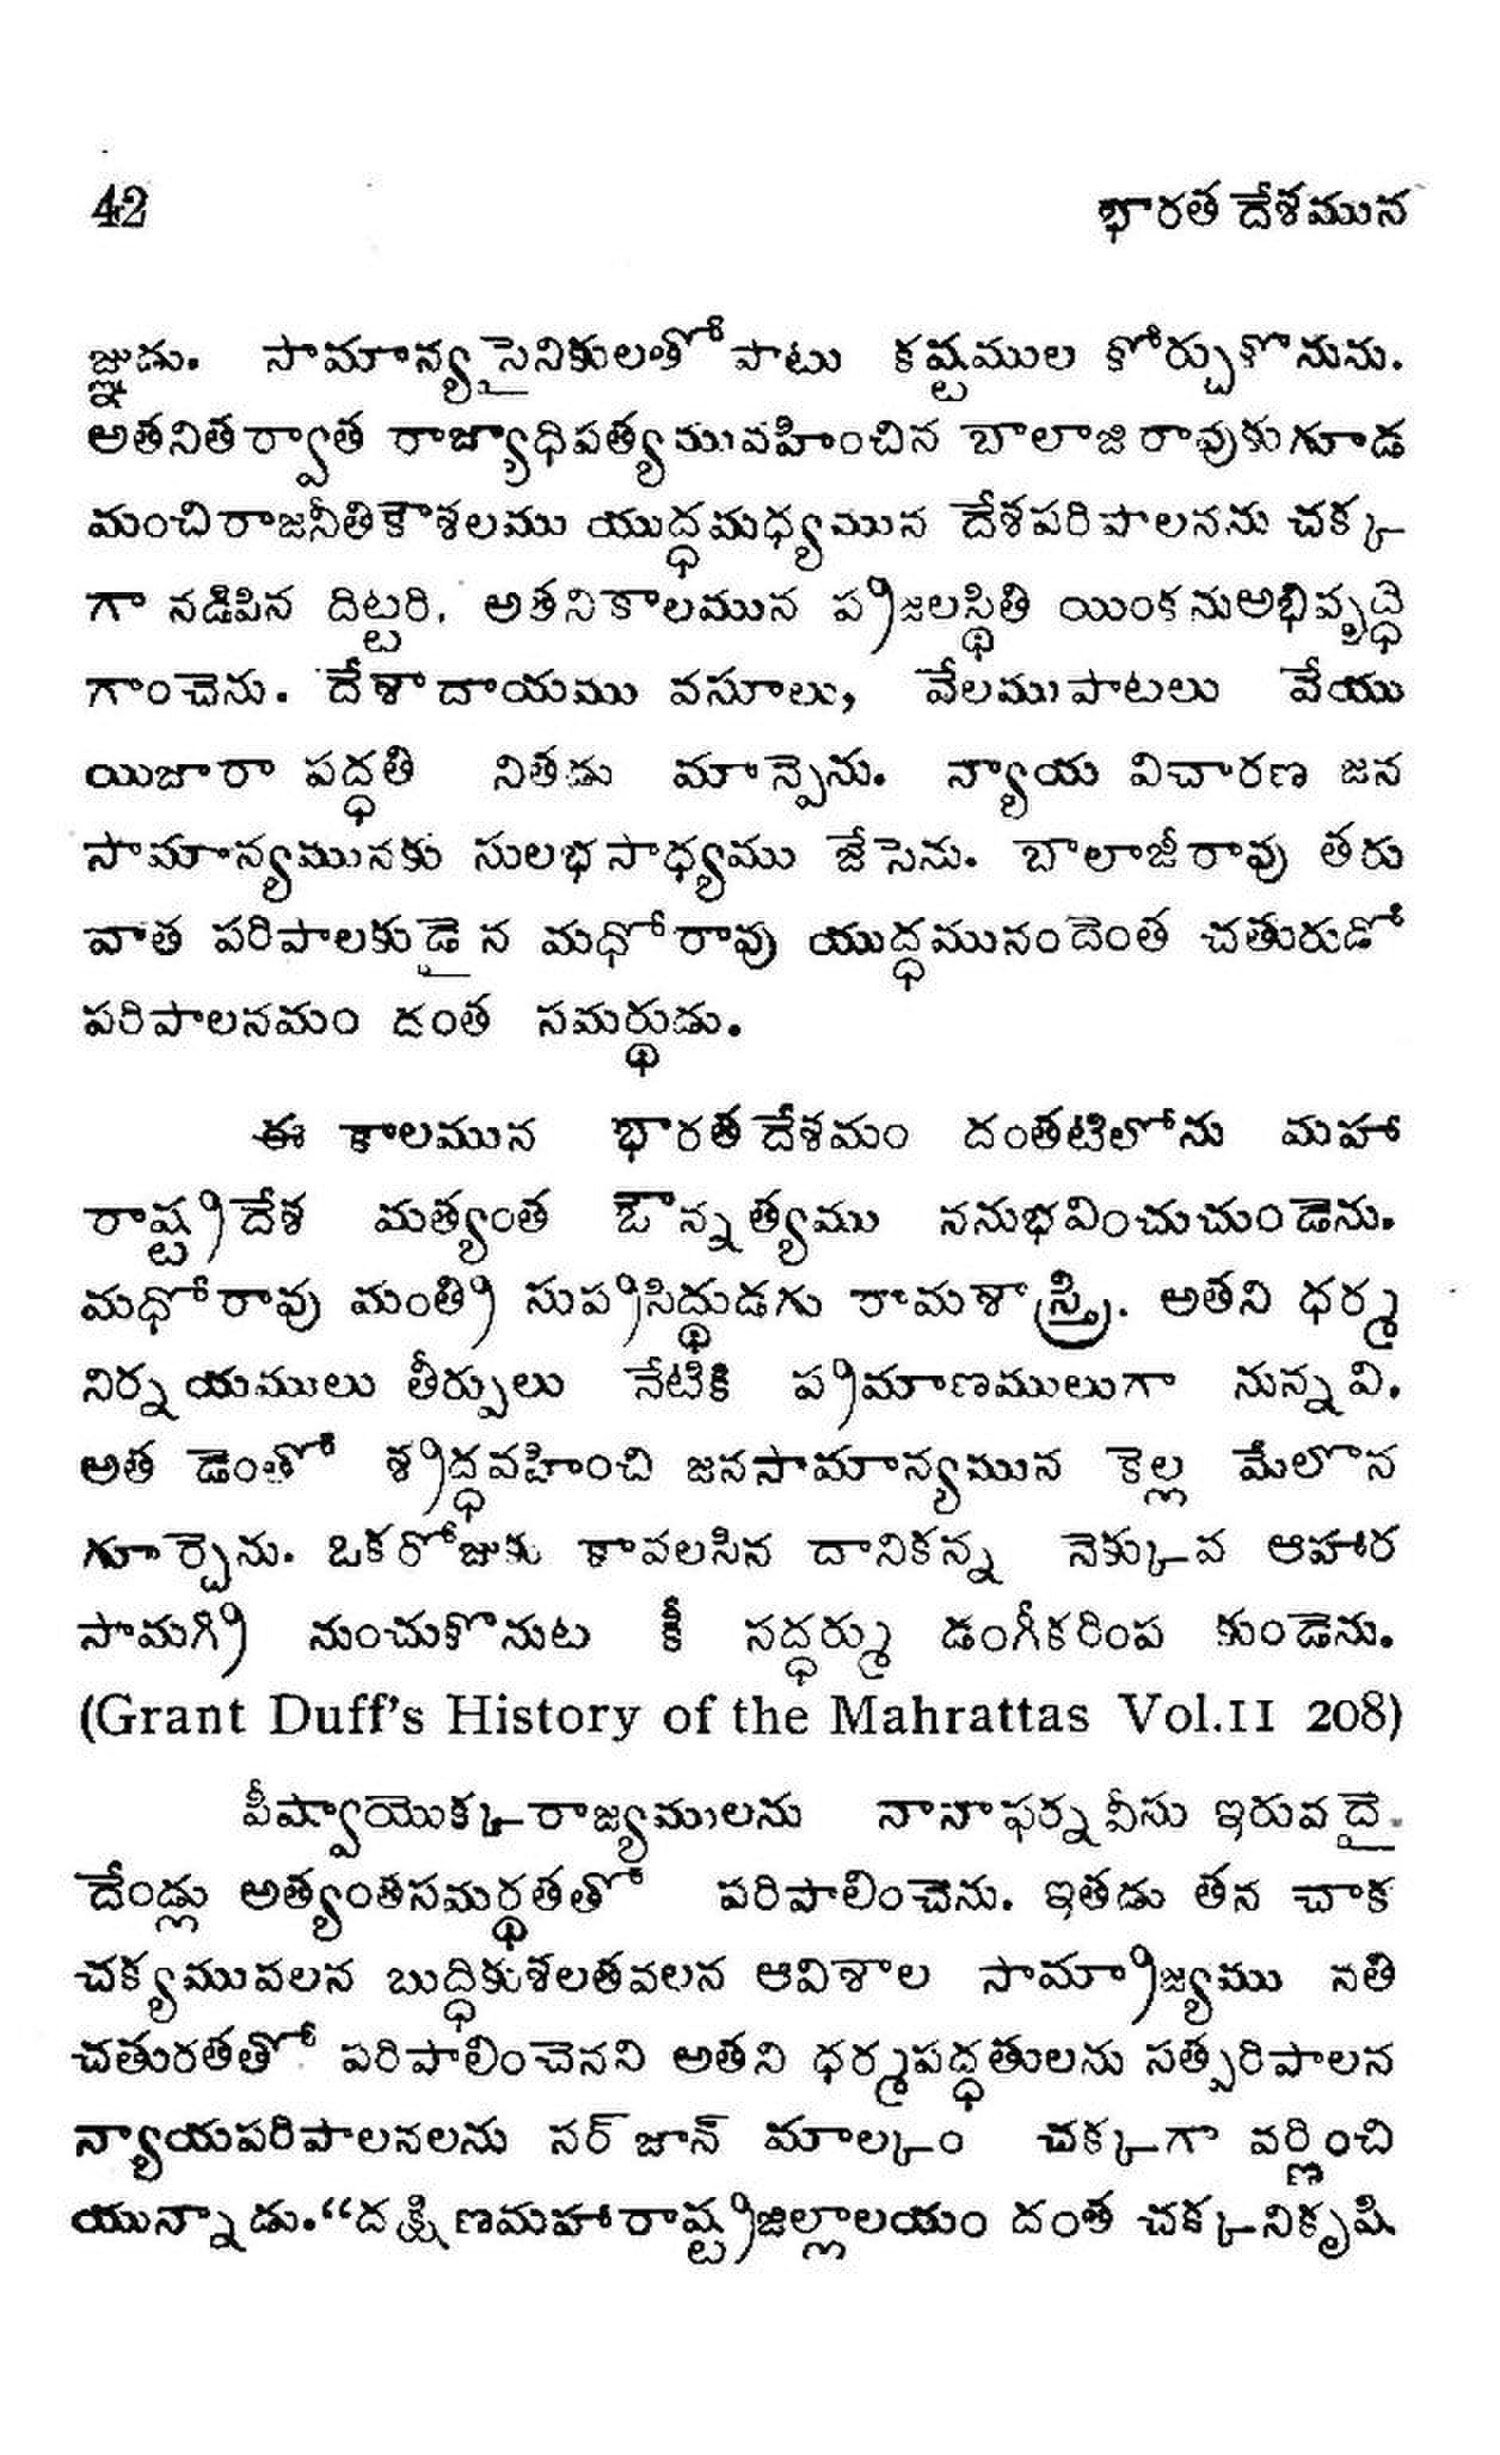జ్ఞుడు. సామాన్యసైనికులతోపాటు కష్టముల కోర్చుకొనును. అతనితర్వాత రాజ్యాధిపత్యము వహించిన బాలాజిరావుకుగూడ మంచిరాజనీతికౌశలము యుద్ధమధ్యమున దేశపరిపాలనను చక్కగా నడిపిన దిట్టరి. అతనికాలమున ప్రజలస్థితి యింకనుఅభివృద్ధి గాంచెను. దేశాదాయము వసూలు, వేలముపాటలు వేయు యిజారా పద్దతి నితడు మాన్పెను. న్యాయ విచారణ జనసామాన్యమునకు సులభసాధ్యము జేసెను. బాలాజీరావు తరువాత పరిపాలకుడైన మధోరావు యుద్ధమునందెంత చతురుడో పరిపాలనమం దంత సమర్థుడు.

ఈ కాలమున భారత దేశమం దంతటిలోను మహారాష్ట్రదేశ మత్యంత ఔన్నత్యము ననుభవించుచుండెను. మధోరావు మంత్రి, సుప్రసిద్ధుడగు రామశాస్త్రి. అతని ధర్మ నిర్నయములు తీర్పులు నేటికి ప్రమాణములుగా నున్నవి. అత డెంతో శ్రద్దవహించి జనసామాన్యమున కెల్ల మేలొన గూర్చెను. ఒకరోజుకు కావలసిన దానికన్న నెక్కువ ఆహార సామగ్రి నుంచుకొనుట కీ సద్ధర్ము డంగీకరింప కుండెను. (Grant Duff's History of the Mahrattas Vol.II 208)

పీష్వాయొక్కరాజ్యములను నానాఫర్నవీసు ఇరువదైదేండ్లు అత్యంతసమర్ధతతో పరిపాలించెను. ఇతడు తన చాకచక్యమువలన బుద్ధికుశలతవలన ఆవిశాల సామ్రాజ్యము నతి చతురతతో పరిపాలించెనని అతని ధర్మపద్ధతులను సత్పరిపాలన న్యాయపరిపాలనలను సర్ జాన్ మాల్కం చక్కగా వర్ణించి యున్నాడు. “దక్షిణమహారాష్ట్ర జిల్లాలయం దంత చక్కనికృషి